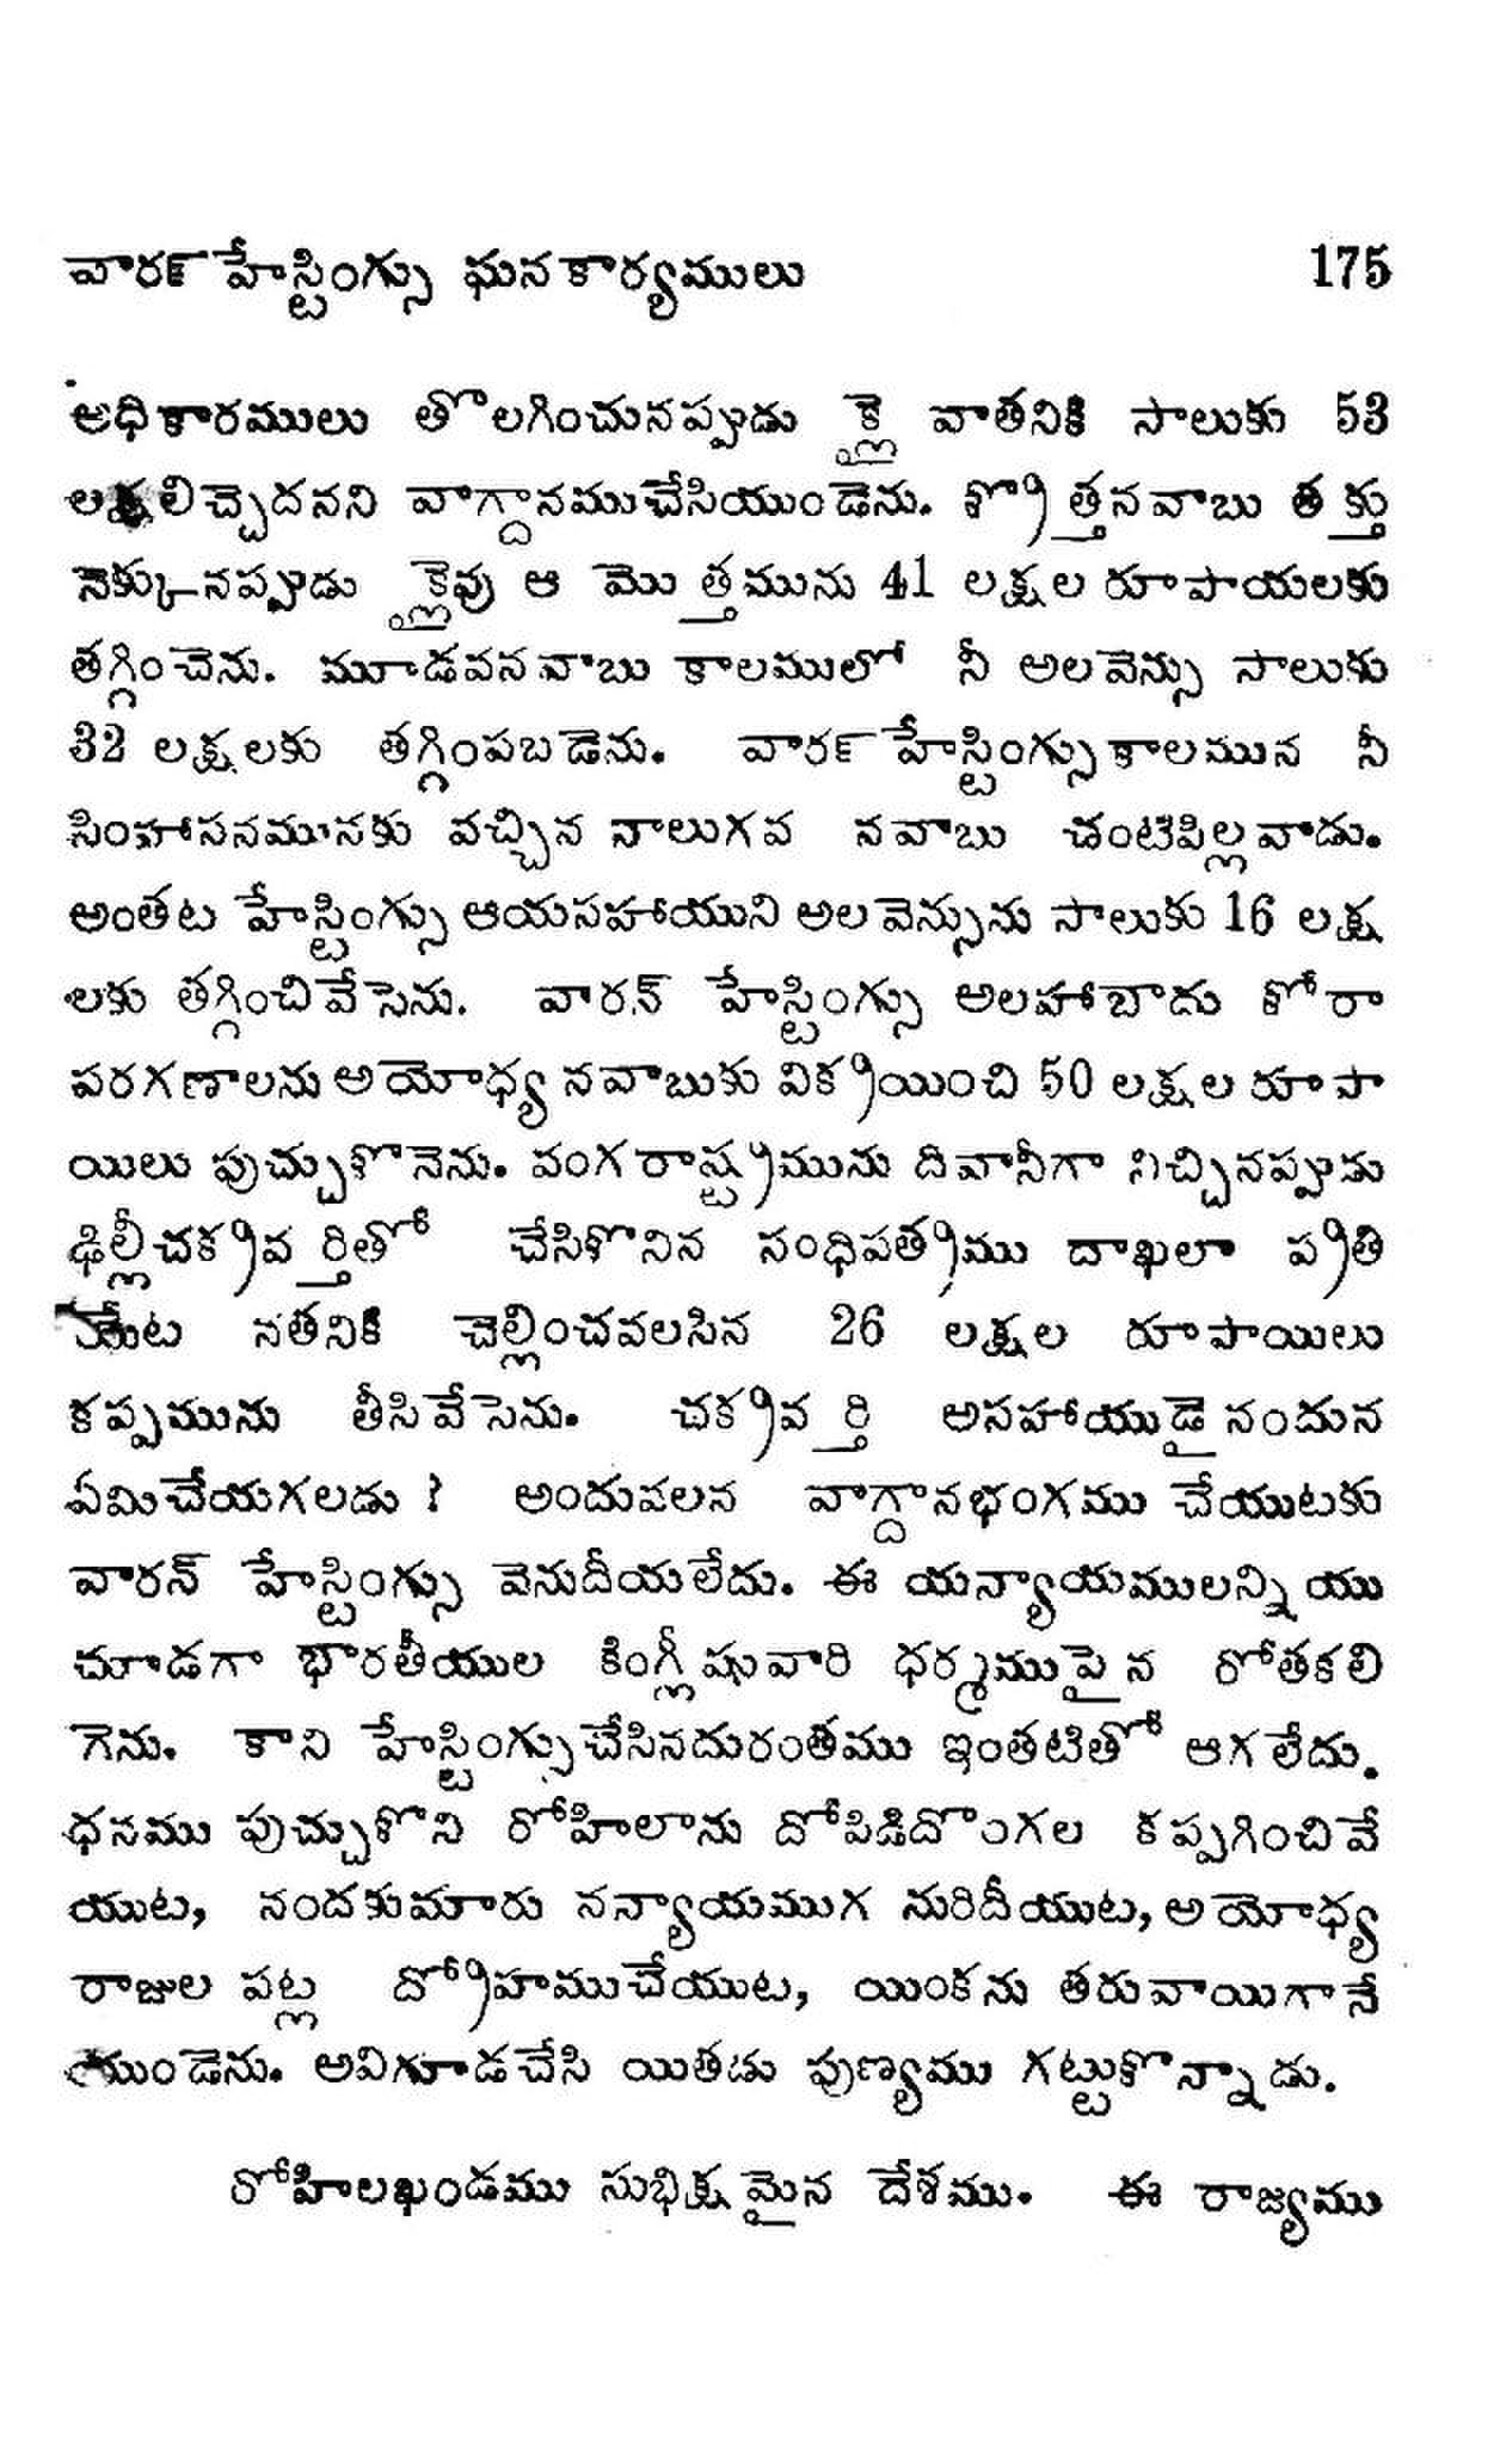అధికారములు తొలగించునప్పుడు క్లై వాతనికి సాలుకు 53 లక్షలిచ్చెదనని వాగ్దానముచేసియుండెను. క్రొత్తనవాబు తక్తు నెక్కునప్పుడు క్లైవు ఆ మొత్తమును 41 లక్షల రూపాయలకు తగ్గించెను. మూడవనవాబు కాలములో నీ అలవెన్సు సాలుకు 32 లక్షలకు తగ్గింపబడెను. వార౯హేస్టింగ్సుకాలమున నీ సింహాసనమునకు వచ్చిన నాలుగవ నవాబు చంటిపిల్లవాడు. అంతట హేస్టింగ్సు ఆయసహాయుని అలవెన్సును సాలుకు 16 లక్షలకు తగ్గించివేసెను. వారన్ హేస్టింగ్సు అలహాబాదు కోరా పరగణాలను అయోధ్య నవాబుకు విక్రయించి 50 లక్షల రూపాయిలు పుచ్చుకొనెను. వంగరాష్ట్రమును దీవానీగా నిచ్చినప్పుడు ఢిల్లీచక్రవర్తితో చేసికొనిన సంధిపత్రము దాఖలా ప్రతియేట నతనికి చెల్లించవలసిన 26 లక్షల రూపాయిలు కప్పమును తీసివేసెను. చక్రవర్తి అసహాయుడైనందున ఏమిచేయగలడు? అందువలన వాగ్దానభంగము చేయుటకు వారన్ హేస్టింగ్సు వెనుదీయలేదు. ఈ యన్యాయములన్నియు చూడగా భారతీయుల కింగ్లీషువారి ధర్మముపైన రోతకలిగెను. కాని హేస్టింగ్సు చేసినదురంతము ఇంతటితో ఆగలేదు. ధనము పుచ్చుకొని రోహిలాను దోపిడిదొంగల కప్పగించివేయుట, నందకుమారు నన్యాయముగ నురిదీయుట, అయోధ్యరాజుల పట్ల ద్రోహముచేయుట, యింకను తరువాయిగానే యుండెను. అవిగూడచేసి యితడు పుణ్యము గట్టుకొన్నాడు.

రోహిలఖండము సుభిక్షమైన దేశము. ఈ రాజ్యము